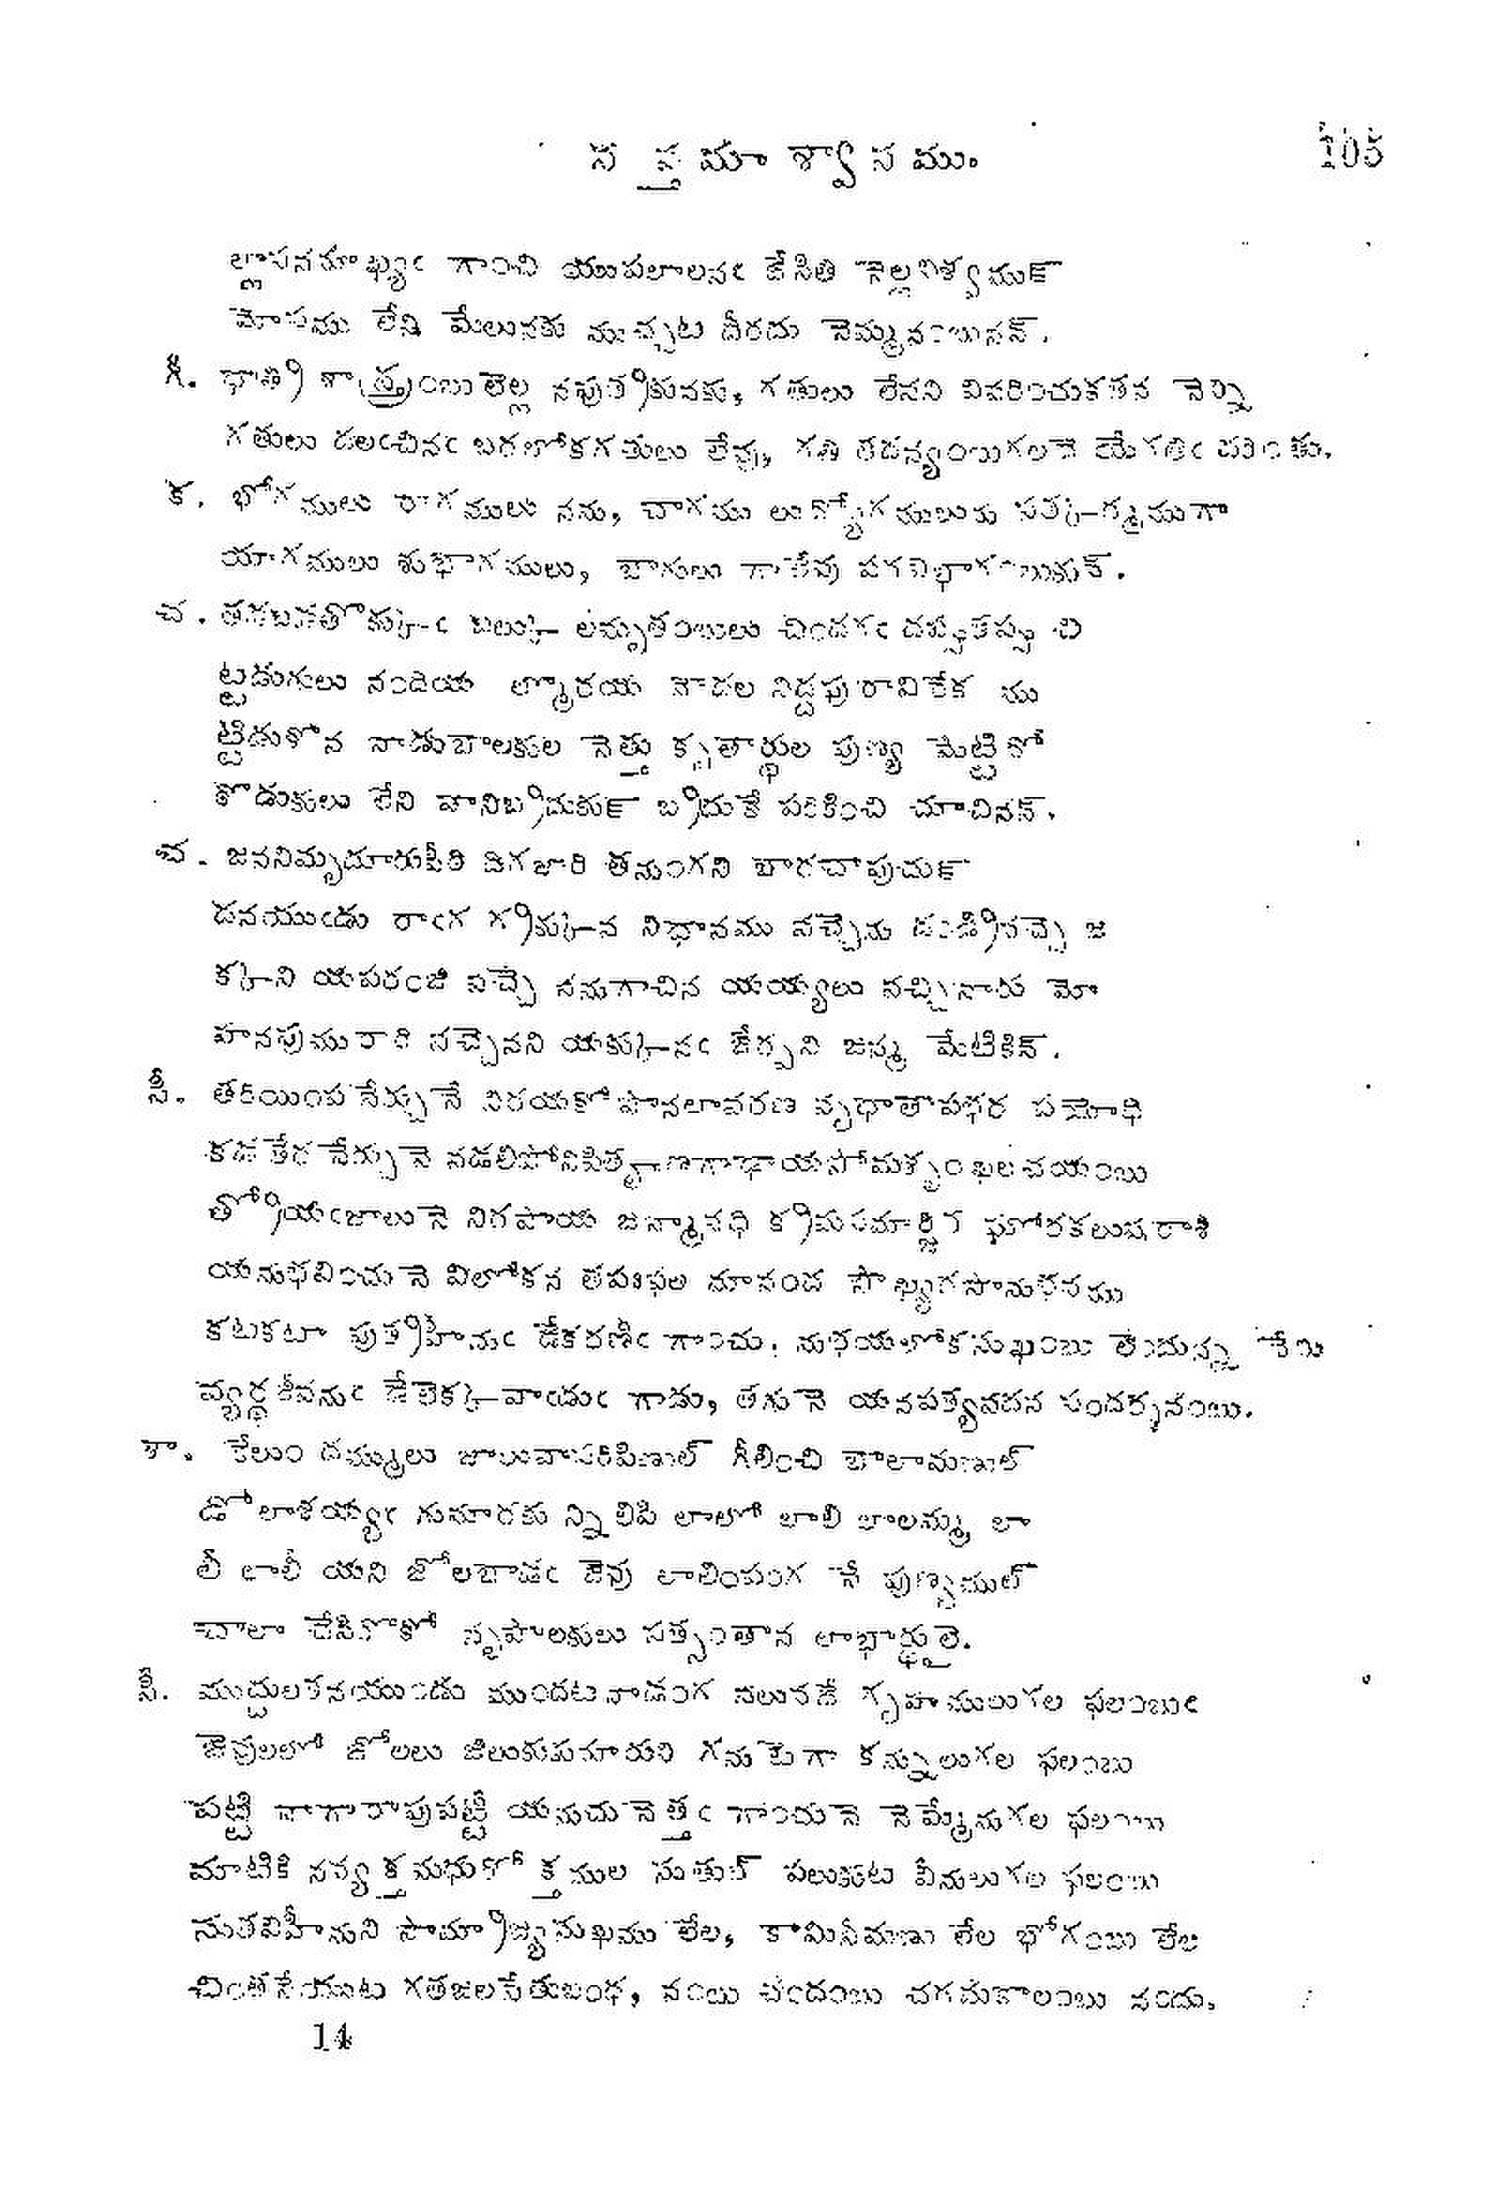ల్లాసనమాఖ్యఁ గాంచి యుపలాలనఁ చేసితి నెల్లవిశ్వమున్
 మోసము లేని మేలునకు ముచ్చట దీరదు నెమ్మనంబునన్.
గీ. ధాత్రి శాస్త్రంబు లెల్ల నపుత్రకునకు, గతులు లేవని వివరించుకతన నెన్ని
 గతులు దలఁచినఁ బరలోకగతులు లేవు, గతి తదన్యంబుగలదె యేగతిఁ దరింతు.
క. భోగములు రాగములు నను, చాగము లుద్యోగములుకు సత్కర్మముగా
 యాగములు శుభాగములు, బాగులు గాలేవు పరవిభాగంబునకున్.
చ. తడబడతొక్కుఁ బల్కు లమృతంబులు చిందకఁ దప్పుతప్పు చి
 ట్టడుగులు నందియ ల్మొరయ నౌదల నిద్దపురావిరేక ము
 ట్టిడుకొన నాడుబాలకుల నెత్తు కృతార్థుల పుణ్య మెట్టిదో
 కొడుకులు లేని వానిబ్రదుకు బ్రదుకే పరికించి చూచినన్.
చ. జననిమృదూరుపీఠి దిగజారి తనుంగని బారచాపుచున్
 దనయుఁడు రాఁగ గ్రక్కున నిధానము వచ్చెను దండ్రివచ్చె జ
 క్కని యపరంజి వచ్చె నను గాచిన యయ్యలు వచ్చినారు మో
 హనపుమురారి వచ్చెనని యక్కునఁ జేర్పని జన్మ మేటికిన్.
సీ. తరియింపనేర్చునే నిరయకోపానలావరణ వృధాతాపభర పయోధి
 కడతేరనేర్చునె నడలిపోనిపితౄణగాఢాయసోమశృంఖలచయంబు
 త్రోయఁజాలునె నిరపాయ జన్మావధి క్రమసమార్జిత ఘోరకలుషరాశి
 యనుభవించునె విలోకన తపఃఫల నూనంద సౌఖ్యరసానుభవము
 కటకటా పుత్రహీనుఁ డేకరణిఁ గాంచు, నుభయలోకసుఖంబు లెందున్న నేమి
 వ్యర్థజీవనుఁ డేలెక్కవాడుఁ గాడు, తగునె యనపత్యవదనసందర్శనంబు.
శా. కేలుం దమ్ములు జాలువాసరిపిణుల్ గీలించి బాలామణుల్
 డోలాశయ్యఁ గుమారకు న్నిలిపి లాలో లాలి లాలమ్మ లా
 లీ లాలీ యని జోలబాటఁ జెవు లాలింపంగ నేపుణ్యముల్
 చాలా చేసిరొకో నృపాలకులు సత్సంతాన లాభార్థులై.
సీ. ముద్దులతనయుఁడు ముందట నాడంగ వలువదే గృహములుగల ఫలంబు
 జెవులలో జోలలు జిలుకుకుమారుని గనుటెగా కన్నులుగల ఫలంబు
 పట్టి నాగారాపుపట్టి యనుచు నెత్తఁ గాంచునె నెమ్మేనుగల ఫలంబు
 మాటికి నవ్యక్తమధురోక్తముల సుతుల్ పలుకుట వీనులుగల ఫలంబు
 సుతవిహీనుని సామ్రాజ్యసుఖము లేల, కామినీమణు లేల భోగంబు లేల
 చింతసేయుట గతజలసేతుబంధ, నంబు చందంబు చరమకాలంబు నందు.